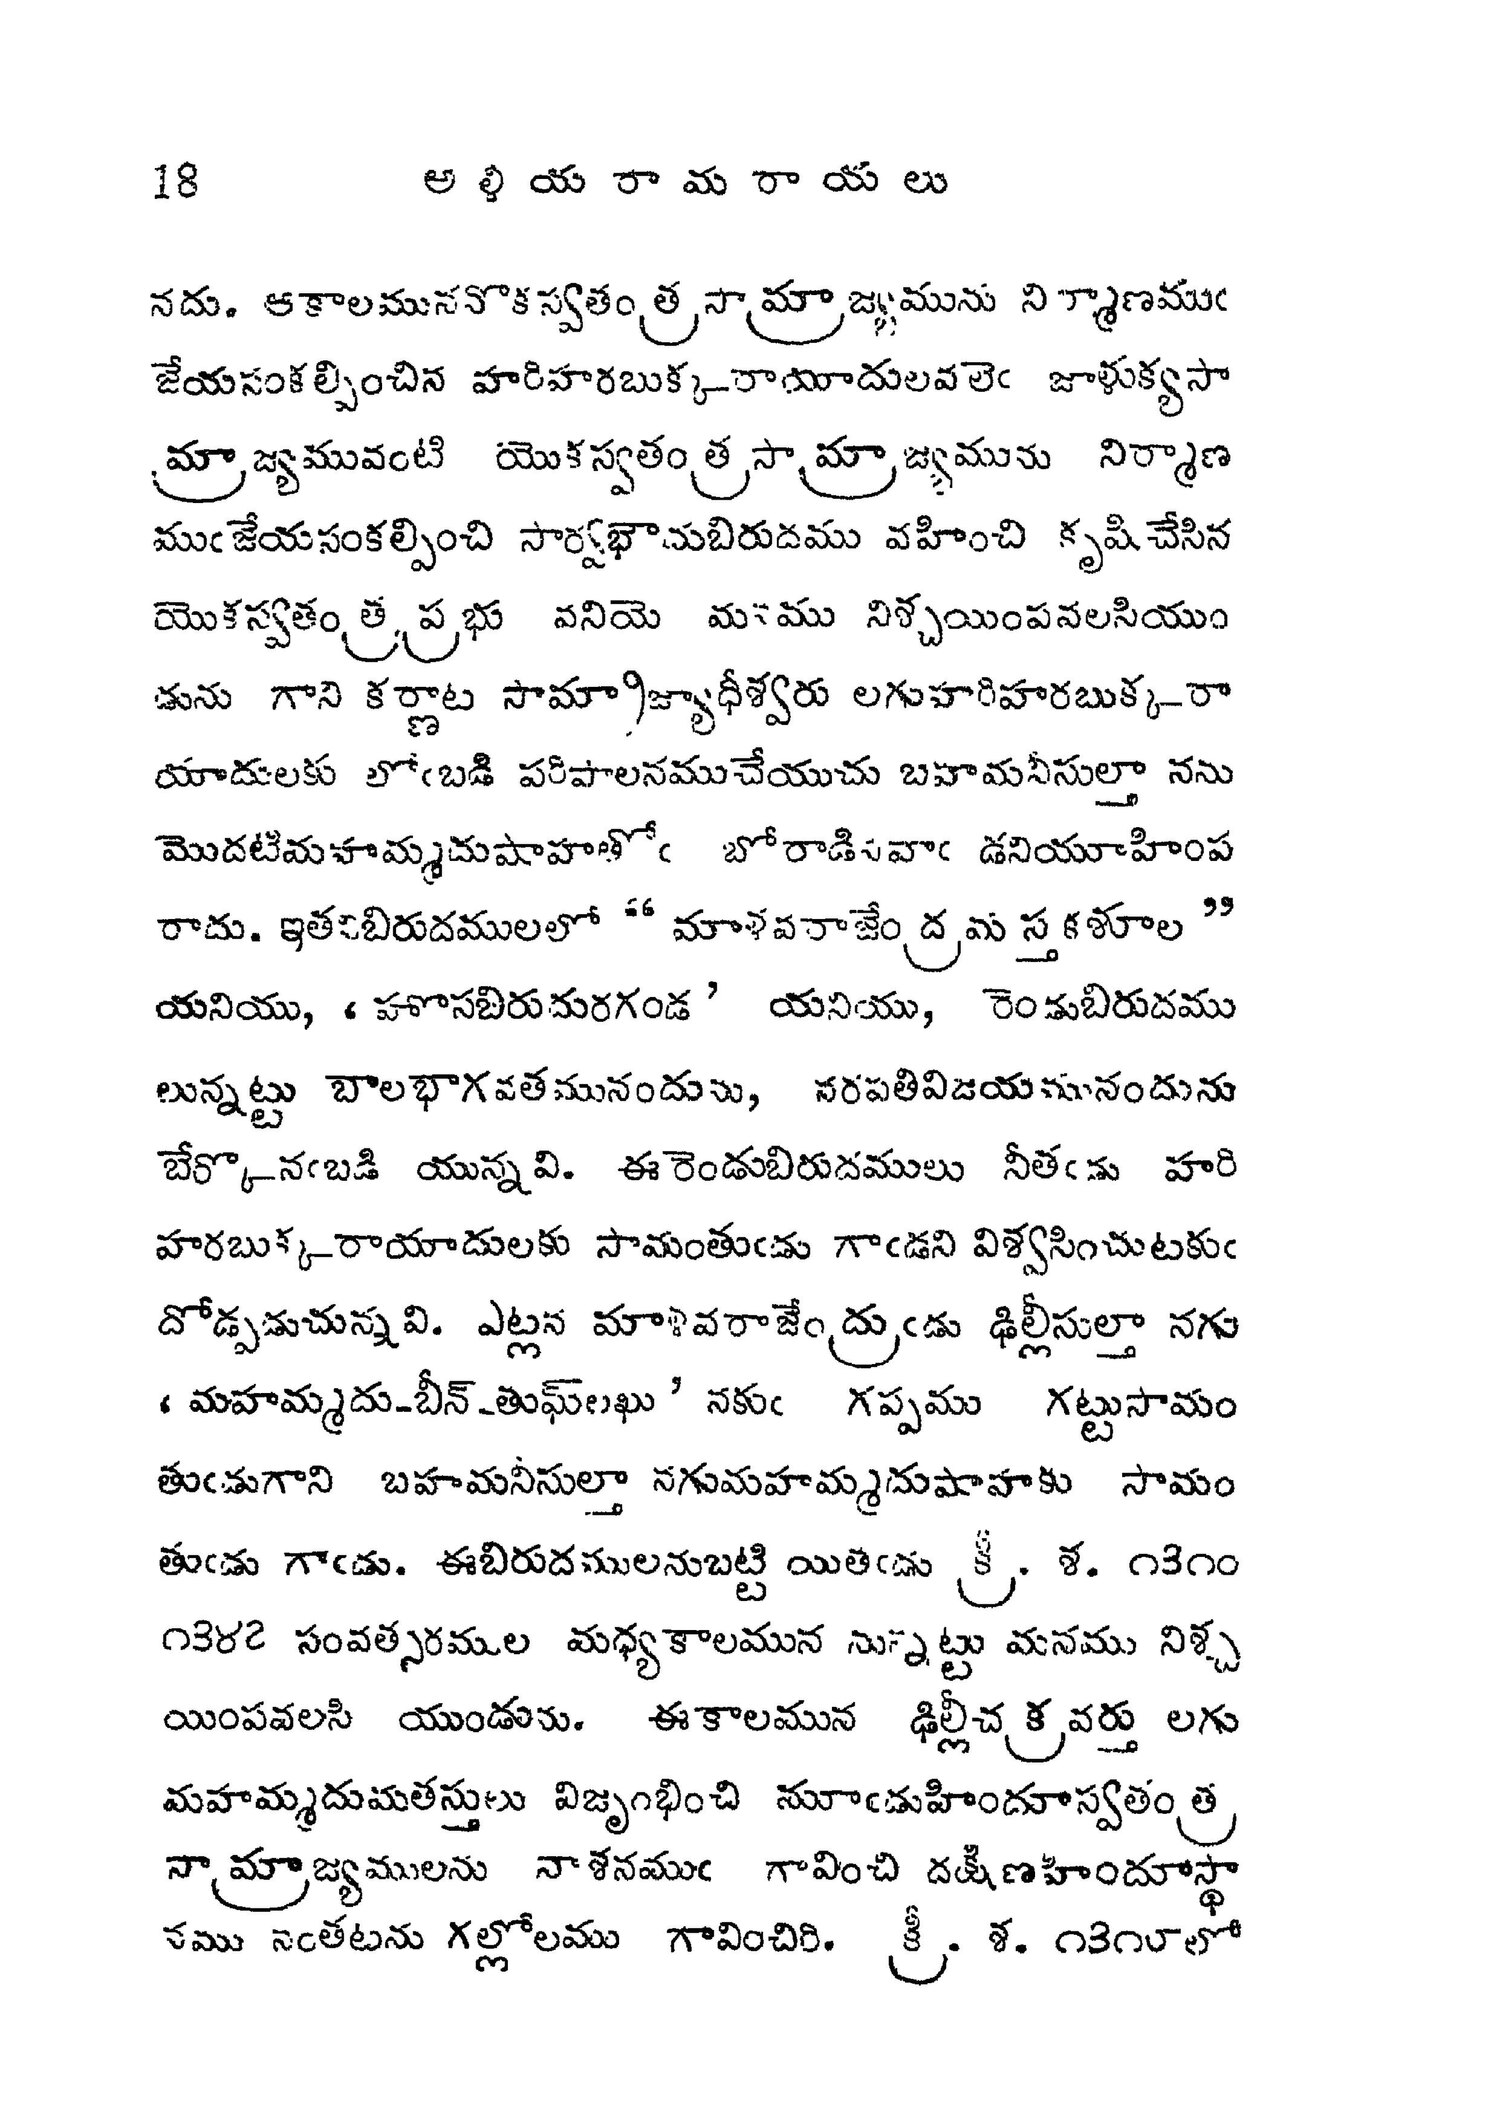నదు. ఆకాలముననొక స్వతంత్రసామ్రాజ్యమును నిర్మాణముజేయసంకల్పించిన హరిహరబుక్కరాయాదుల వలె జాళుక్యసామ్రాజ్యమువంటి యొకస్వతంత్రసామ్రాజ్యమును నిర్మాణముజేయసంకల్పించి సార్వభౌమ బిరుదము వహించి కృషిచేసిన యొకస్వతంత్రప్రభు వనియె మనము నిశ్చయింపవలసియుండును గాని కర్ణాట సామ్రాజ్యాధీశ్వరు లగుహరిహరబుక్కరా యాదులకు లోబడి పరిపాలనముచేయుచు బహమనీసుల్తా నను మొదటిమహమ్మదుషాహతో బోరాడినవా డనియూహింపరాదు. ఇతనిబిరుదములలో "మాళవరాజేంద్రమస్తకశూల" యనియు 'హొసబిరుదురగండ' యనియు, రెండుబిరుదము లున్నట్టు బాలభాగవతమునందును, నరపతివిజయమునందును బేర్కొనబడి యున్నవి. ఈరెండుబిరుదములు నీతడు హరిహరబుక్కరాయాదులకు సామంతుడు గాడని విశ్వసించుటకు దోడ్పడుచున్నవి. ఎట్లన మాళవరాజేంద్రుడు డిల్లీసుల్తా నగు 'మహమ్మదు-బీన్-తుఘ్‌లఖు' నకు గప్పము గట్టుసామంతుడుగాని బహమనిసుల్తా నగుమహమ్మదుషాహకు సామంతుడు గాడు. ఈబిరుదములనుబట్టి యితడు క్రీ. శ. 1310-1347 సంవత్సరముల మధ్యకాలమున నున్నట్టు మనము నిశ్చయింపవలసి యుండును. ఈకాలమున డిల్లీచక్రవర్తు లగు మహమ్మదుమతస్తులు విజృంభించి మూడుహిందూస్వతంత్ర సామ్రాజ్యములను నాశనము గావించి దక్షిణహిందూస్థానము నంతటను గల్లోలము గావించిరి. క్రీ. శ. 1318లో